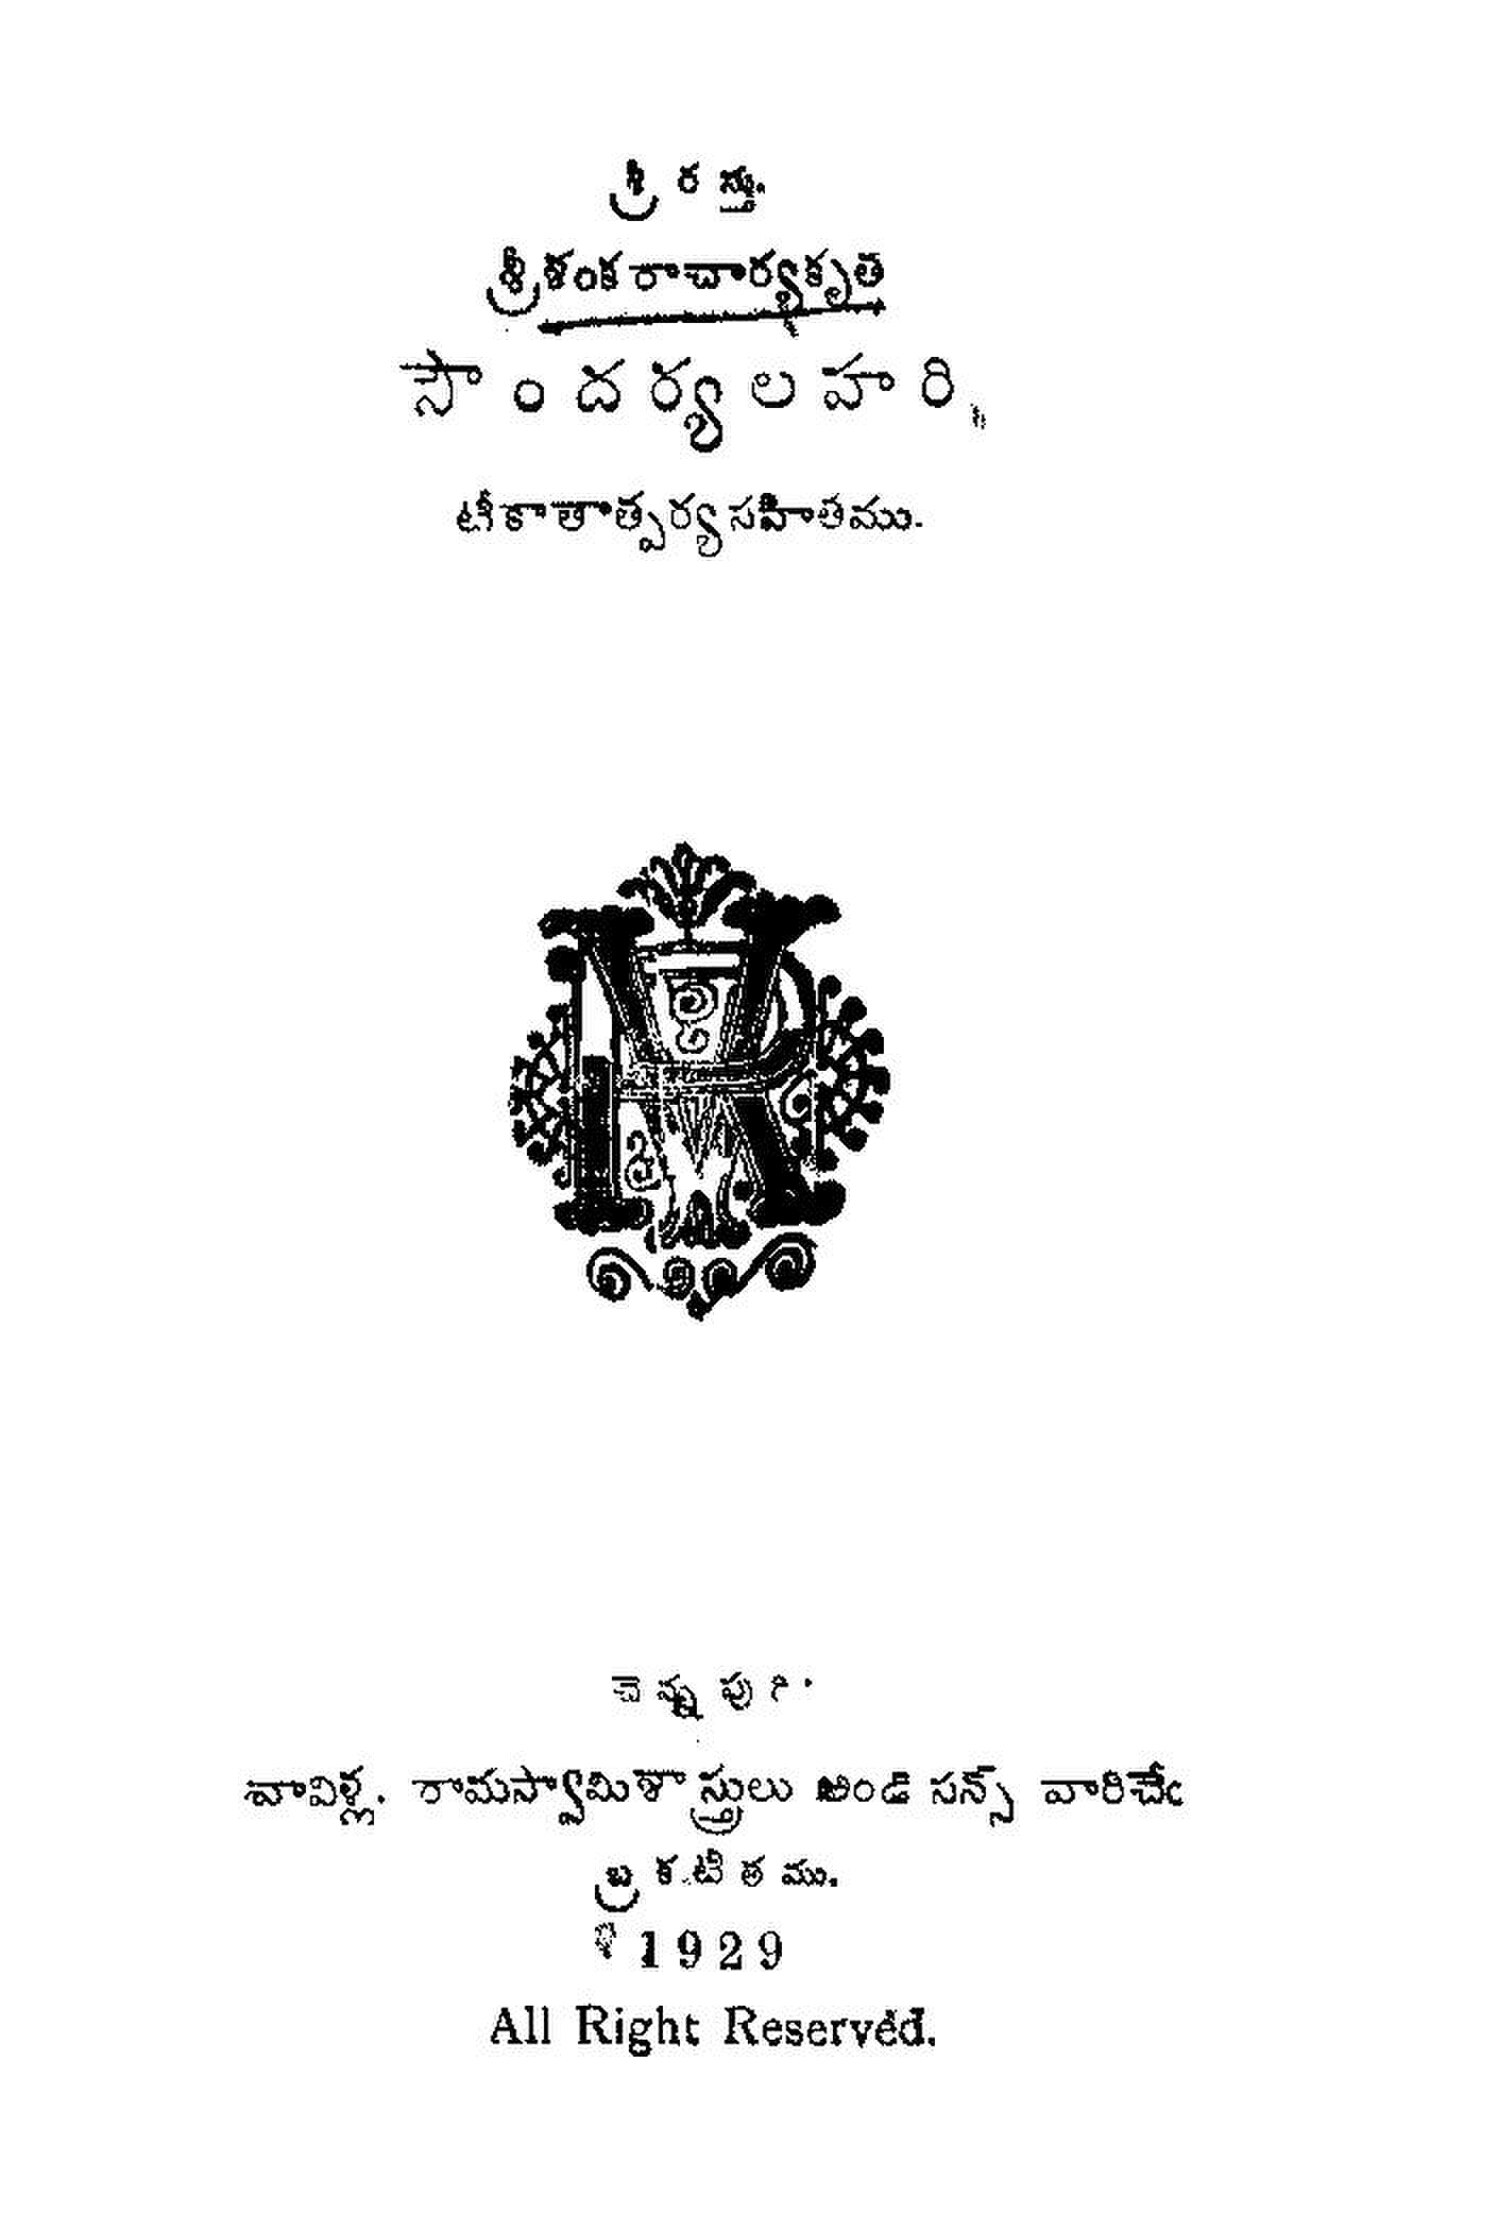శ్రీరస్తు.
శ్రీశంకరాచార్యకృత
సౌందర్యలహరి
టీకాతాత్పర్యసహితము

చెన్నపురి:
వావిళ్ల. రామస్వామిశాస్త్రులు అండ్ సన్స్ వారిచేఁ బ్రకటితము.
1929
ALL Right Reserved.